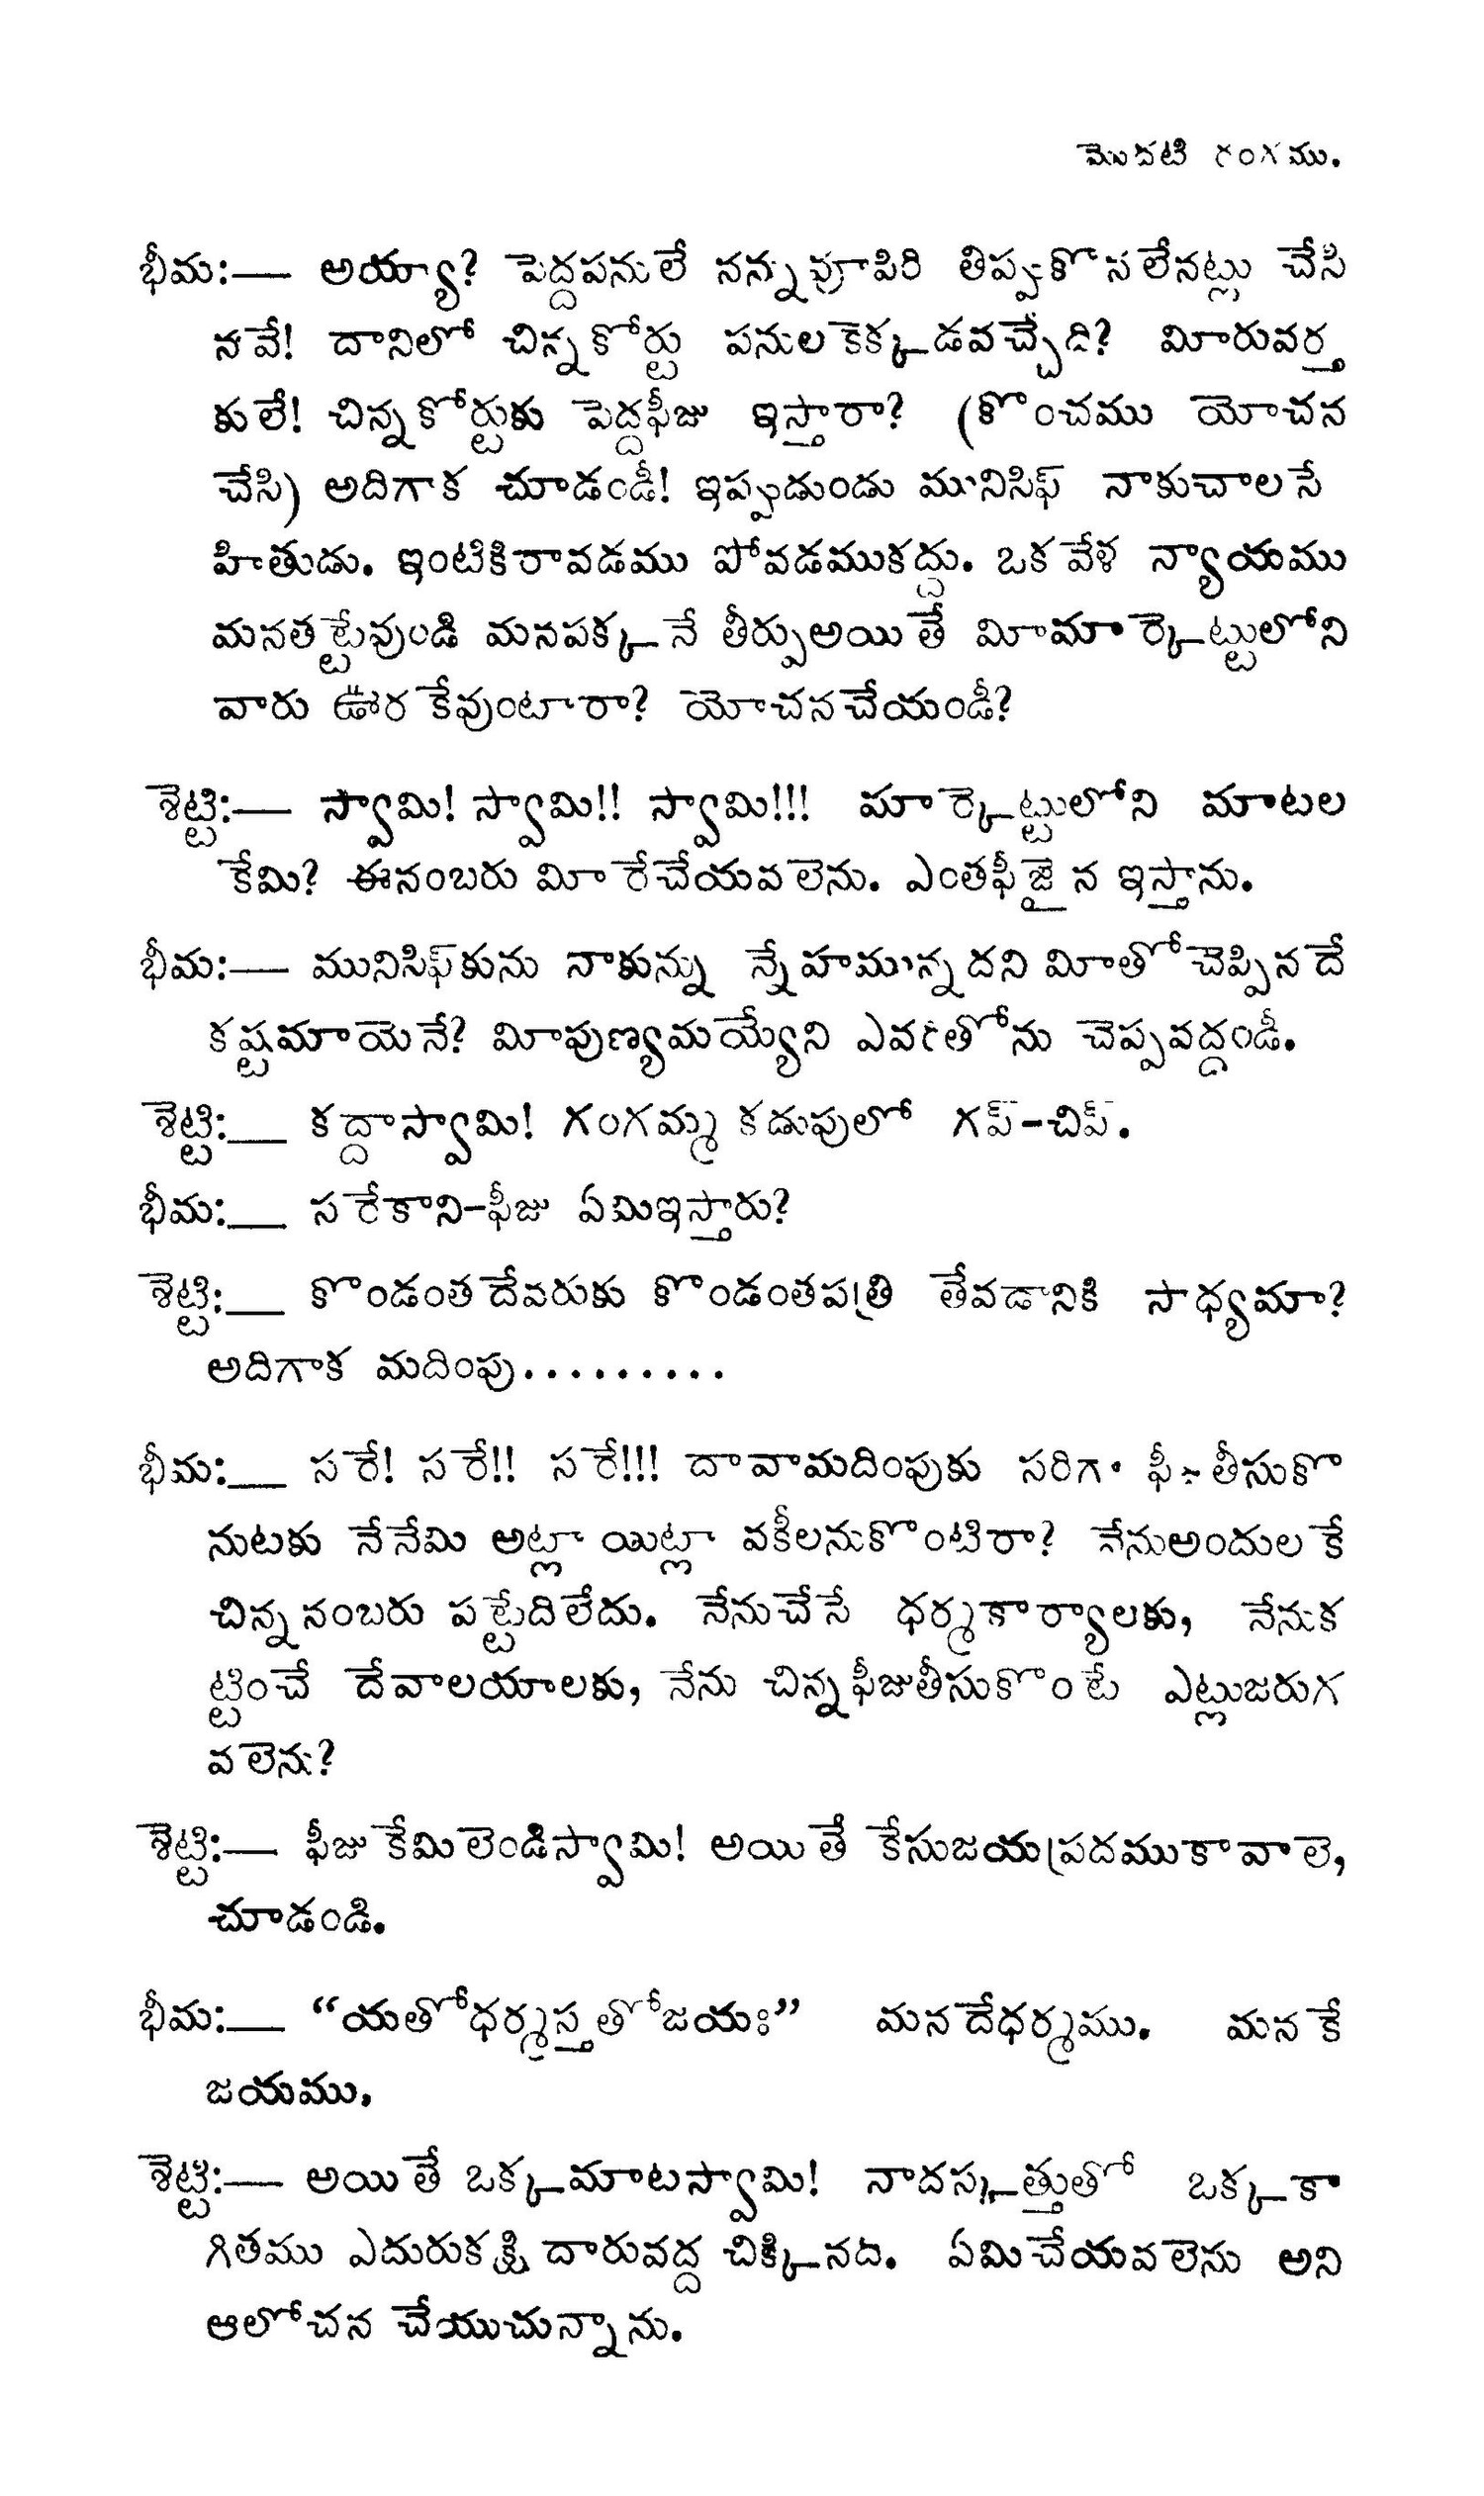భీమ:--అయ్యా? పెద్దపనులే నన్నవూపిరి తిప్పుకొనలేనట్లు చేసినవే! దానిలో చిన్నకోర్టు పనులులలెల్లడవచ్చేది? మీరు వర్తకులే! చిన్నకోర్టుకు పెద్దఫీజు ఇస్తారా (కొంచము యోచన చేసి) అదిగాక చూడండి! ఇప్పుడుండు మునిసిఫ్ నాకుచాలనే హితుడు. ఇంటికి రావడము పొవడముకద్దు. ఒకవేళ న్యాయము మనతట్టే వుండి మనపక్కనే తీర్పు అయితే మీమార్కెట్టులోని వారు ఊరకే వుంటారా? యోచన చేయండి?

శెట్టి:-- స్వామి! స్వామి!! స్వామి!! మార్కెట్తులోని మాటల కేమి? ఈనంబరు మీరే చేయవలెను. ఎంతటిఫీజైన ఇస్తాను.

భీమ:--మున్ స్చిప్ కును నాకున్ను స్నేహమన్నదని మీతోచెప్పినదే కష్టమాయెనే? మీపుణ్యమయ్యేది ఎవరితోను చెప్పవద్దండి.

శెట్టి:--కద్దాస్వామి! గంగమ్మ కడుపులో గప్ -చిప్.

భీమ:--సరేకాని-ఫీజు ఏమిస్తారు?

శెట్టి:--కొండంత దేవరకు కొందంత పత్రి తేవడానికి సధ్యమా? అదిగాక మదింపు......

భీమ:--సరే! సరే!! సరే!! దావామదింపును సరిగా ఫ్రీగా తీసుకొనుకొనుటకు నేనేమి అట్లా యిట్లా వకీలను కొంటిరా? నేను అందులకే చిన్ననంబరు పట్టేదిలేదు. నేనుచేసే ధార్మకార్యాలకు, నేనుకట్టించే దేవాలయాలకు, నేను చిన్న ఫీజు తీసుకొంటే ఎట్లజరుగవలెను?

శెట్టి:-- ఫీజుకేమిలెండి స్వామి! అయితే కేసుటయిము ప్రదము కావాలె, చూడండి.

భీమ:--"యశోధర్మస్తతోజయం:" మనదేధర్మము. మనకే జయము.

శెట్టి:--అయితే ఒక్కమాటస్వామి! నాదస్కత్తుతో ఒక్కగాగితము ఎదురుకక్షి దారువద్ద చిక్కినది. ఏమిచేయవలెను అని ఆలోచన చేచున్నాను.